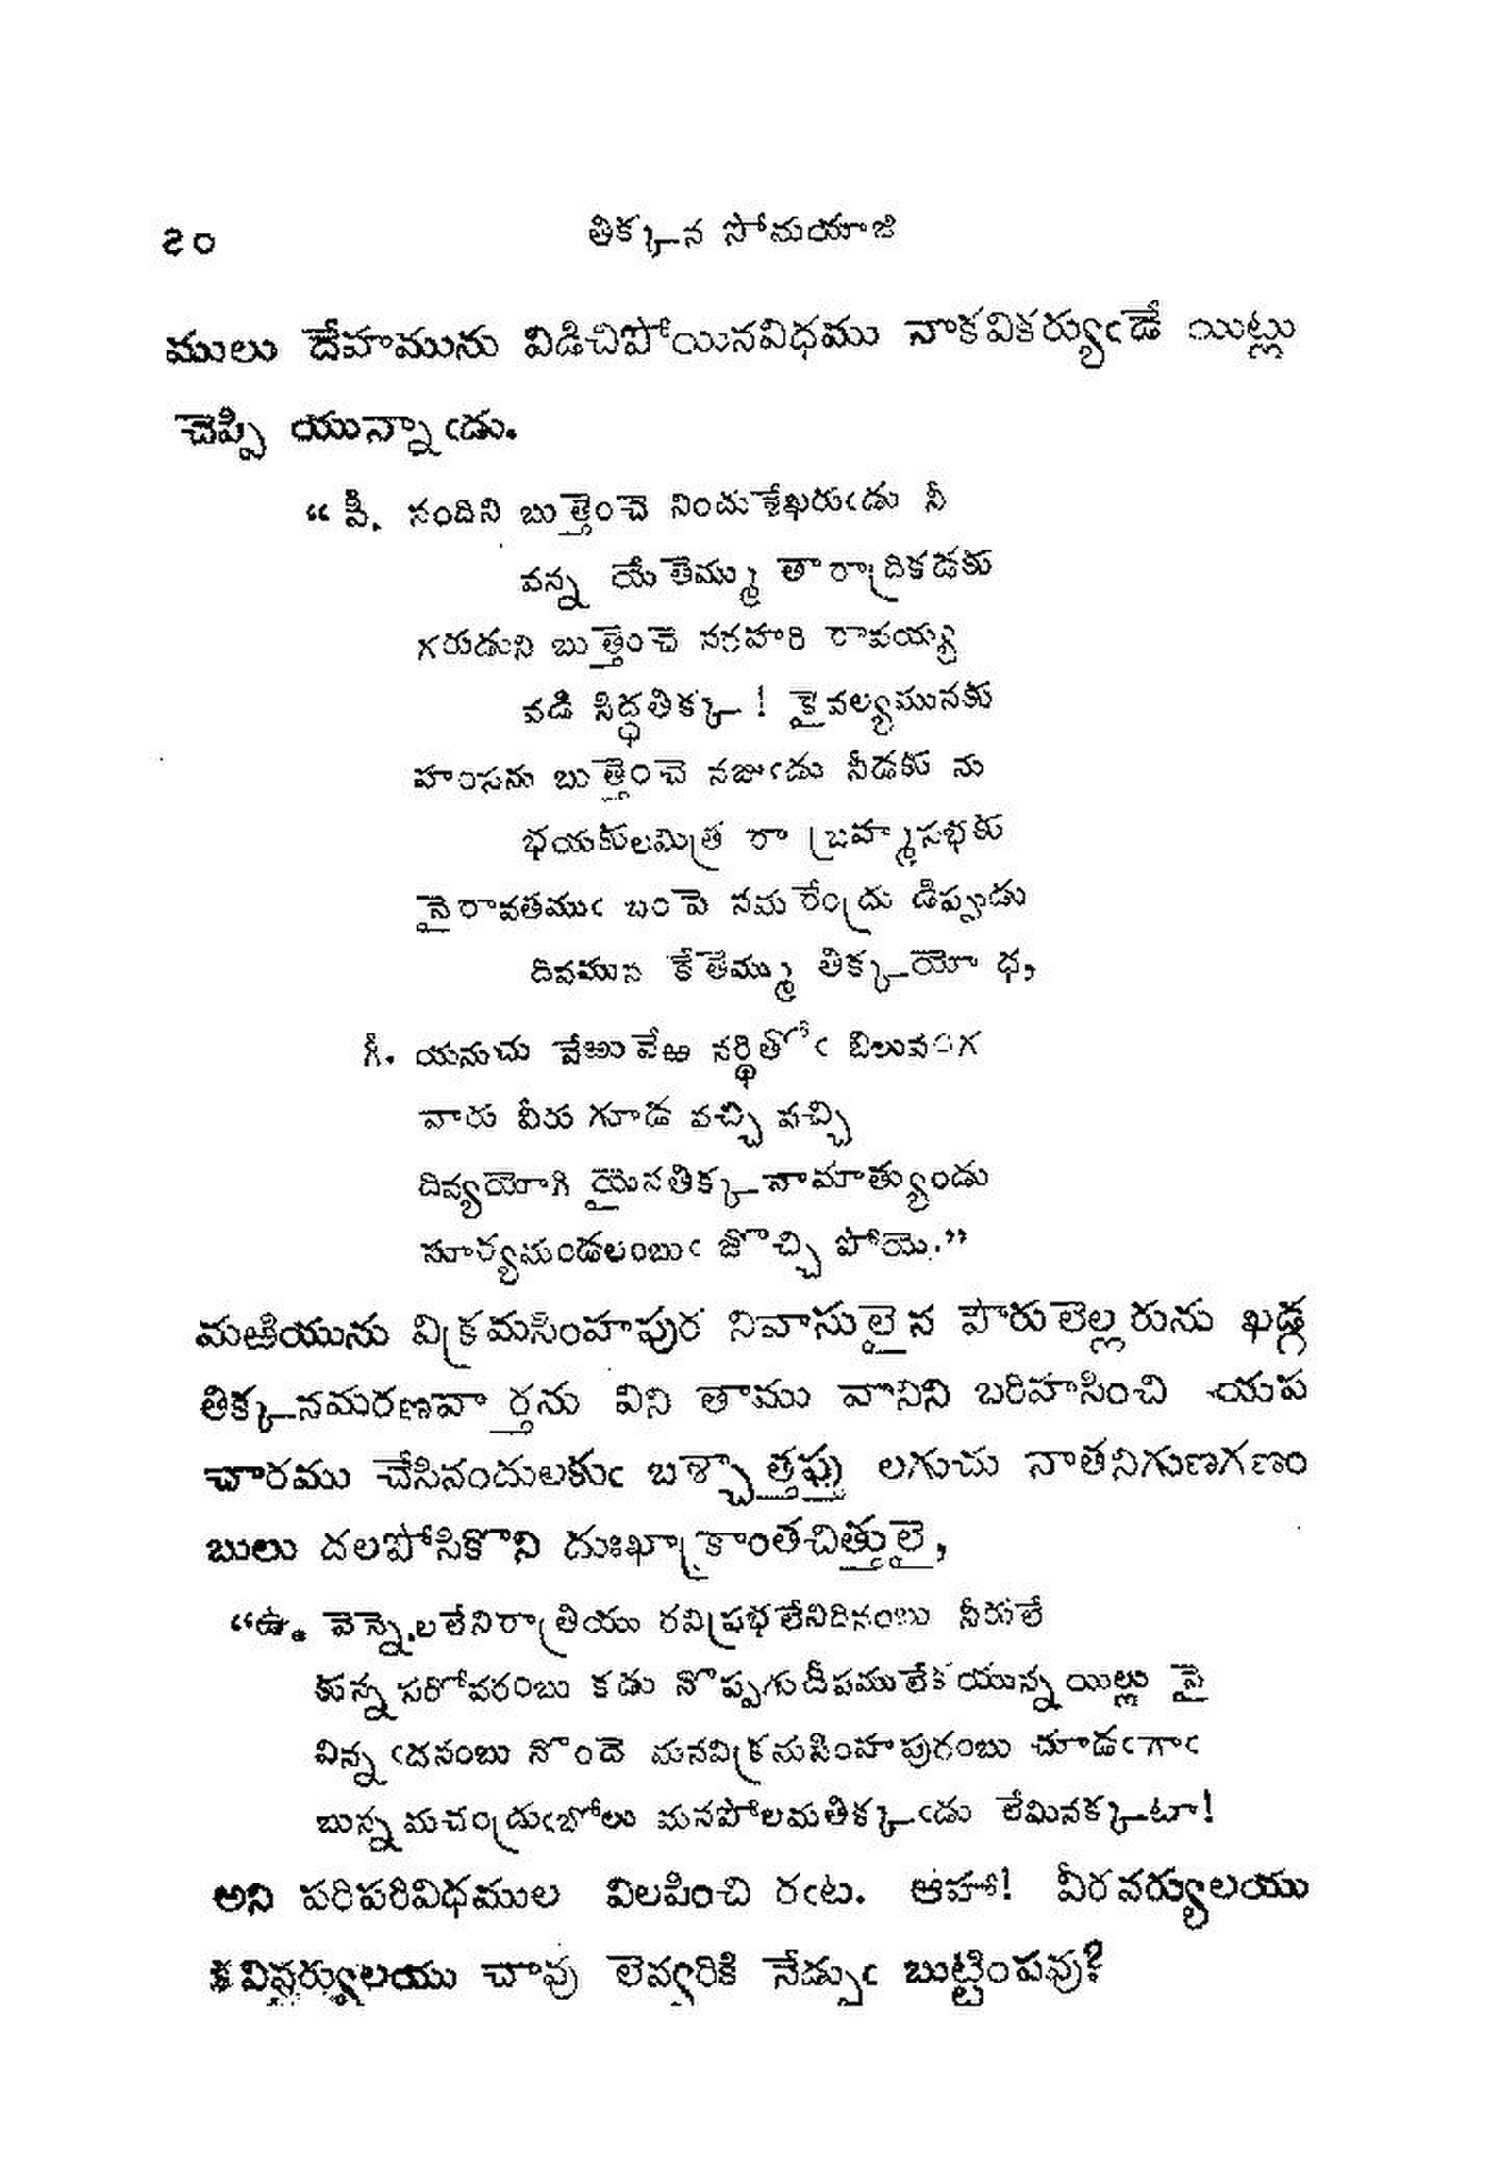ములు దేహమును విడిచిపోయినవిధము నాకవివర్యుఁడే యిట్లు చెప్పి యున్నాఁడు. 

"సీ. నందిని బుత్తెంచె నిందుశేఖరుఁడు నీ
 వన్న యేతెమ్ము తారాద్రికడకు 
 గరుడుని బుత్తెంచె నరహరి రావయ్య
 వడి సిద్ధతిక్క! కైవల్యమునకు 
 హంసను బుత్తెంచె నజుఁడు నీడకు ను
 భయకులమిత్ర రా బ్రహ్మసభకు 
 నైరావతముఁ బంపె నమరేంద్రు డిప్పుడు
 దివముస కేతెమ్ము తిక్కయో ధ,

గీ. యనుచు వేఱువేఱ నర్థితోఁ బిలువంగ
 వారు వీరు గూడ వచ్చి వచ్చి 
 దివ్యయోగి యైనతిక్కనామాత్యుండు
 సూర్యమండలంబుఁ జొచ్చి పోయె." 
మఱియును విక్రమసింహపుర నివాసులైన పౌరులెల్లరును ఖడ్గతిక్కనమరణవార్తను విని తాము వానిని బరిహసించి యపచారము చేసినందులకుఁ బశ్చాత్తప్తు లగుచు నాతనిగుణగణంబులు దలపోసికొని దుఃఖాక్రాంతచిత్తులై, 

"ఉ. వెన్నెలలేని రాత్రియు రవిప్రభలేనిదినంబు నీరులే
 కున్న సరోవరంబు కడు నొప్పగుదీపములేక యున్నయిల్లు పై 
 విన్న 'దనంబు నొందె మనవిక్రమసింహపురంబు చూడఁగాఁ
 బున్నమచంద్రుఁబోలు మనపోలమతిక్కఁడు లేమినక్కటా! 
అని పరిపరివిధముల విలపించి రఁట. ఆహా! వీరవర్వులయు కవివర్యులయు చావు లెవ్వరికి నేడ్పుఁ బుట్టింపవు?